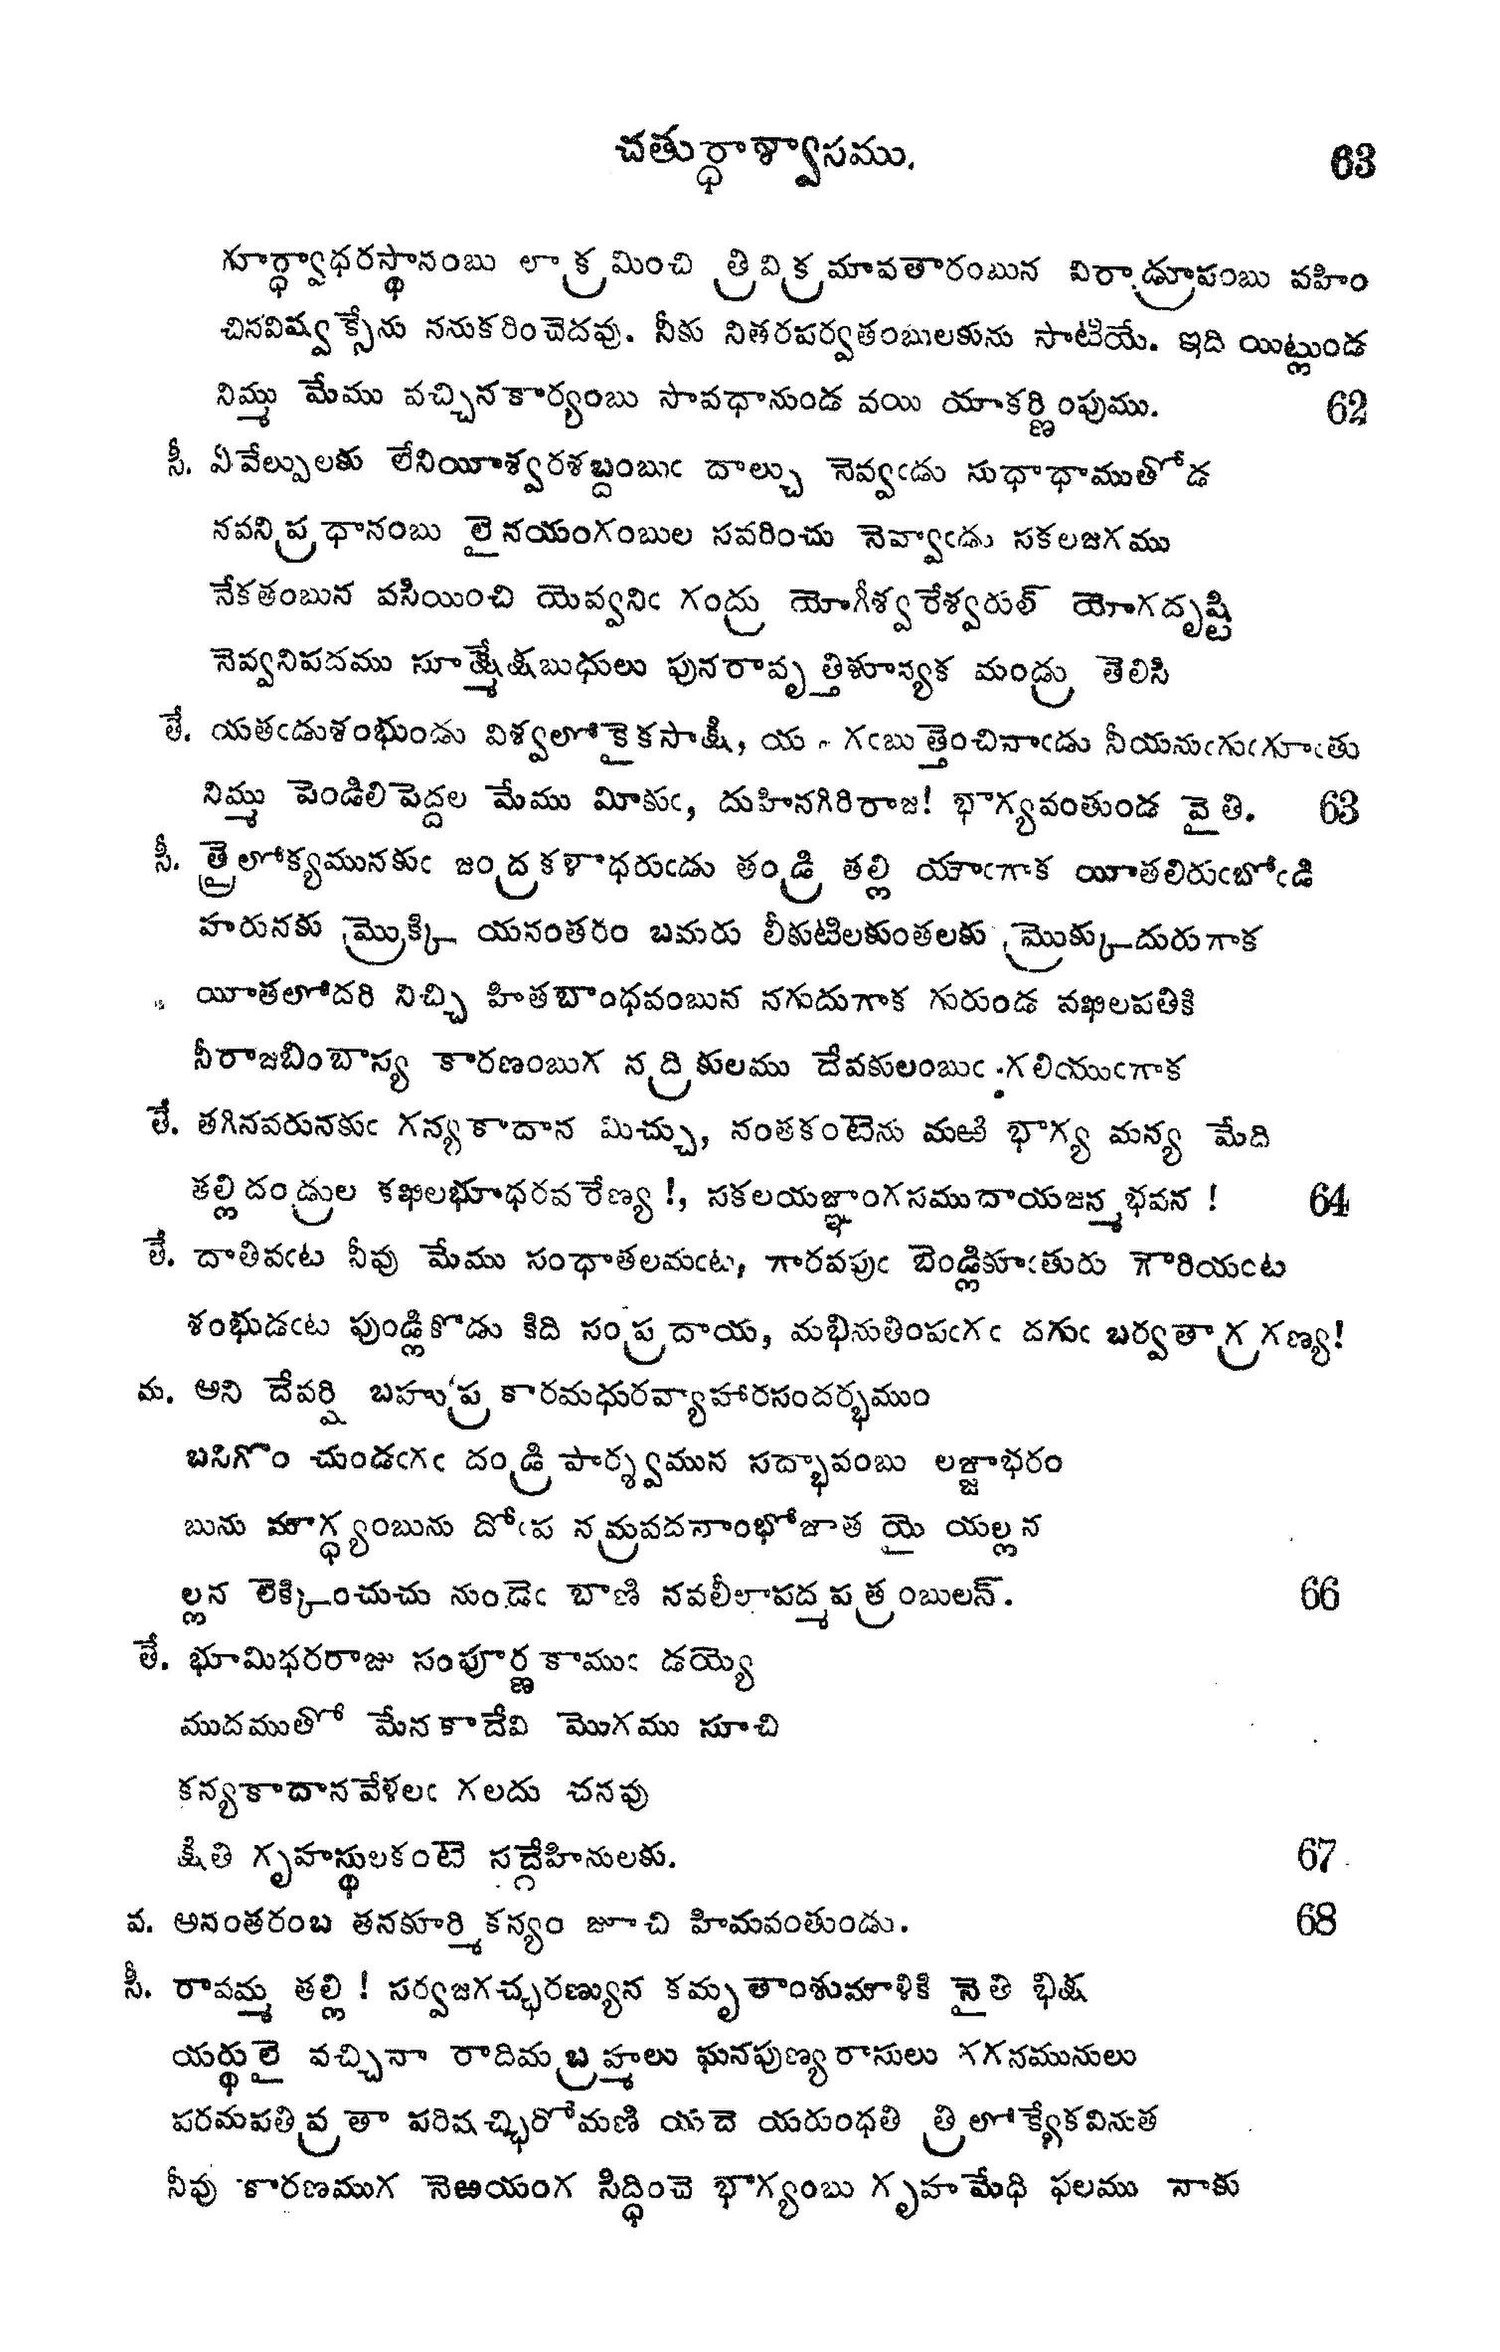గూర్ధ్వాధరస్థానంబు లాక్రమించి త్రివిక్రమావతారంబున విరాడ్రూపంబు వహించినవిష్వక్సేను ననుకరించెదవు. నీకు నితరపర్వతంబులకును సాటియే. ఇది యిట్లుండనిమ్ము మేము వచ్చినకార్యంబు సావధానుండ వయి యాకర్ణింపుము. 62

సీ. ఏవేల్పులకు లేనియీశ్వరశబ్దంబుఁ దాల్చు నెవ్వఁడు సుధాధాముతోడ
నవనిప్రధానంబు లైనయంగంబుల సవరించు నెవ్వాఁడు సకలజగము
నేకతంబున వసియించి యెవ్వనిఁ గంద్రు యోగీశ్వరేశ్వరుల్ యోగదృష్టి
నెవ్వనిపదము సూక్ష్మేక్షబుధులు పునరావృత్తిశూన్యక మండ్రు తెలిసి
తే. యతఁడు శంభుండు విశ్వలోకైకసాక్షి, యడుఁగఁ బుత్తెంచినాఁడు నీయనుఁగుఁగూఁతు
నిమ్ము పెండిలిపెద్దల మేము మీకుఁ, దుహినగిరిరాజ! భాగ్యవంతుండ వైతి. 63

సీ. త్రైలోక్యమునకుఁ జంద్రకళాధరుఁడు తండ్రి తల్లి యాౌఁగాక యీతలిరుఁబోఁడి
హరునకు మ్రొక్కి యనంతరం బమరు లీకుటిలకుంతలకు మ్రొక్కుదురు గాక
యీతలోదరి నిచ్చి హితబాంధవంబున నగుదుగాక గురుండ వఖిలపతికి
నీరాజబింబాస్య కారణంబుగ నద్రికులము దేవకులంబుఁ గలియుఁగాక
తే. తగినవరునకుఁ గన్యకాదాన మిచ్చు, నంతకంటెను మతిభాగ్య మన్య మేది
తల్లిదండ్రుల కఖిలభూధరవరేణ్య!, సకలయజ్ఞాంగసముదాయజన్మభవన! 64

తే. దాతివఁట నీవు మేము సంధాతలమఁట, గారవపుఁ బెండ్లికూఁతురు గౌరియంట
శంభుడఁట పెండ్లికొడు కిది సంప్రదాయ, మభినుతింపఁగఁ దగుఁ బర్వతాగ్రగణ్య! 65

మ. అని దేవర్షి బహుప్రకారమధురవ్యాహారసందర్భముం
బసిగొంచుండఁగఁ దండ్రిపార్శ్వమున సద్భావంబు లజ్జాభరం
బును మౌగ్ధ్యంబును దోఁప నమ్రవదనాంభోజాత యై యల్లన
ల్లన లెక్కించుచు నుండెఁ బాణి నవలీలాపద్మపత్రంబులన్. 66

తే. భూమిధరరాజు సంపూర్ణకాముఁ డయ్యె
ముదముతో మేనకాదేవి మొగము సూచి
కన్యకాదానవేళలఁ గలదు చనవు
క్షితి గృహస్థులకంటె సద్గేహినులకు. 67

వ. అనంతరంబ తనకూర్మికన్యం జూచి హిమవంతుండు. 68

సీ. రావమ్మ తల్లి! సర్వజగచ్ఛరణ్యున కమృతాంశుమౌళికి నైతి భిక్ష
యర్థులై వచ్చినా రాదిమబ్రహ్మలు ఘనపుణ్యరాసులు గగనమునులు
పరమపతివ్రతాపరిషచ్ఛిరోమణి యదె యరుంధతి త్రిలోక్యేకవినుత
నీవు కారణముగ నెఱయంగ సిద్ధించె భాగ్యంబు గృహమేధి ఫలము నాకు